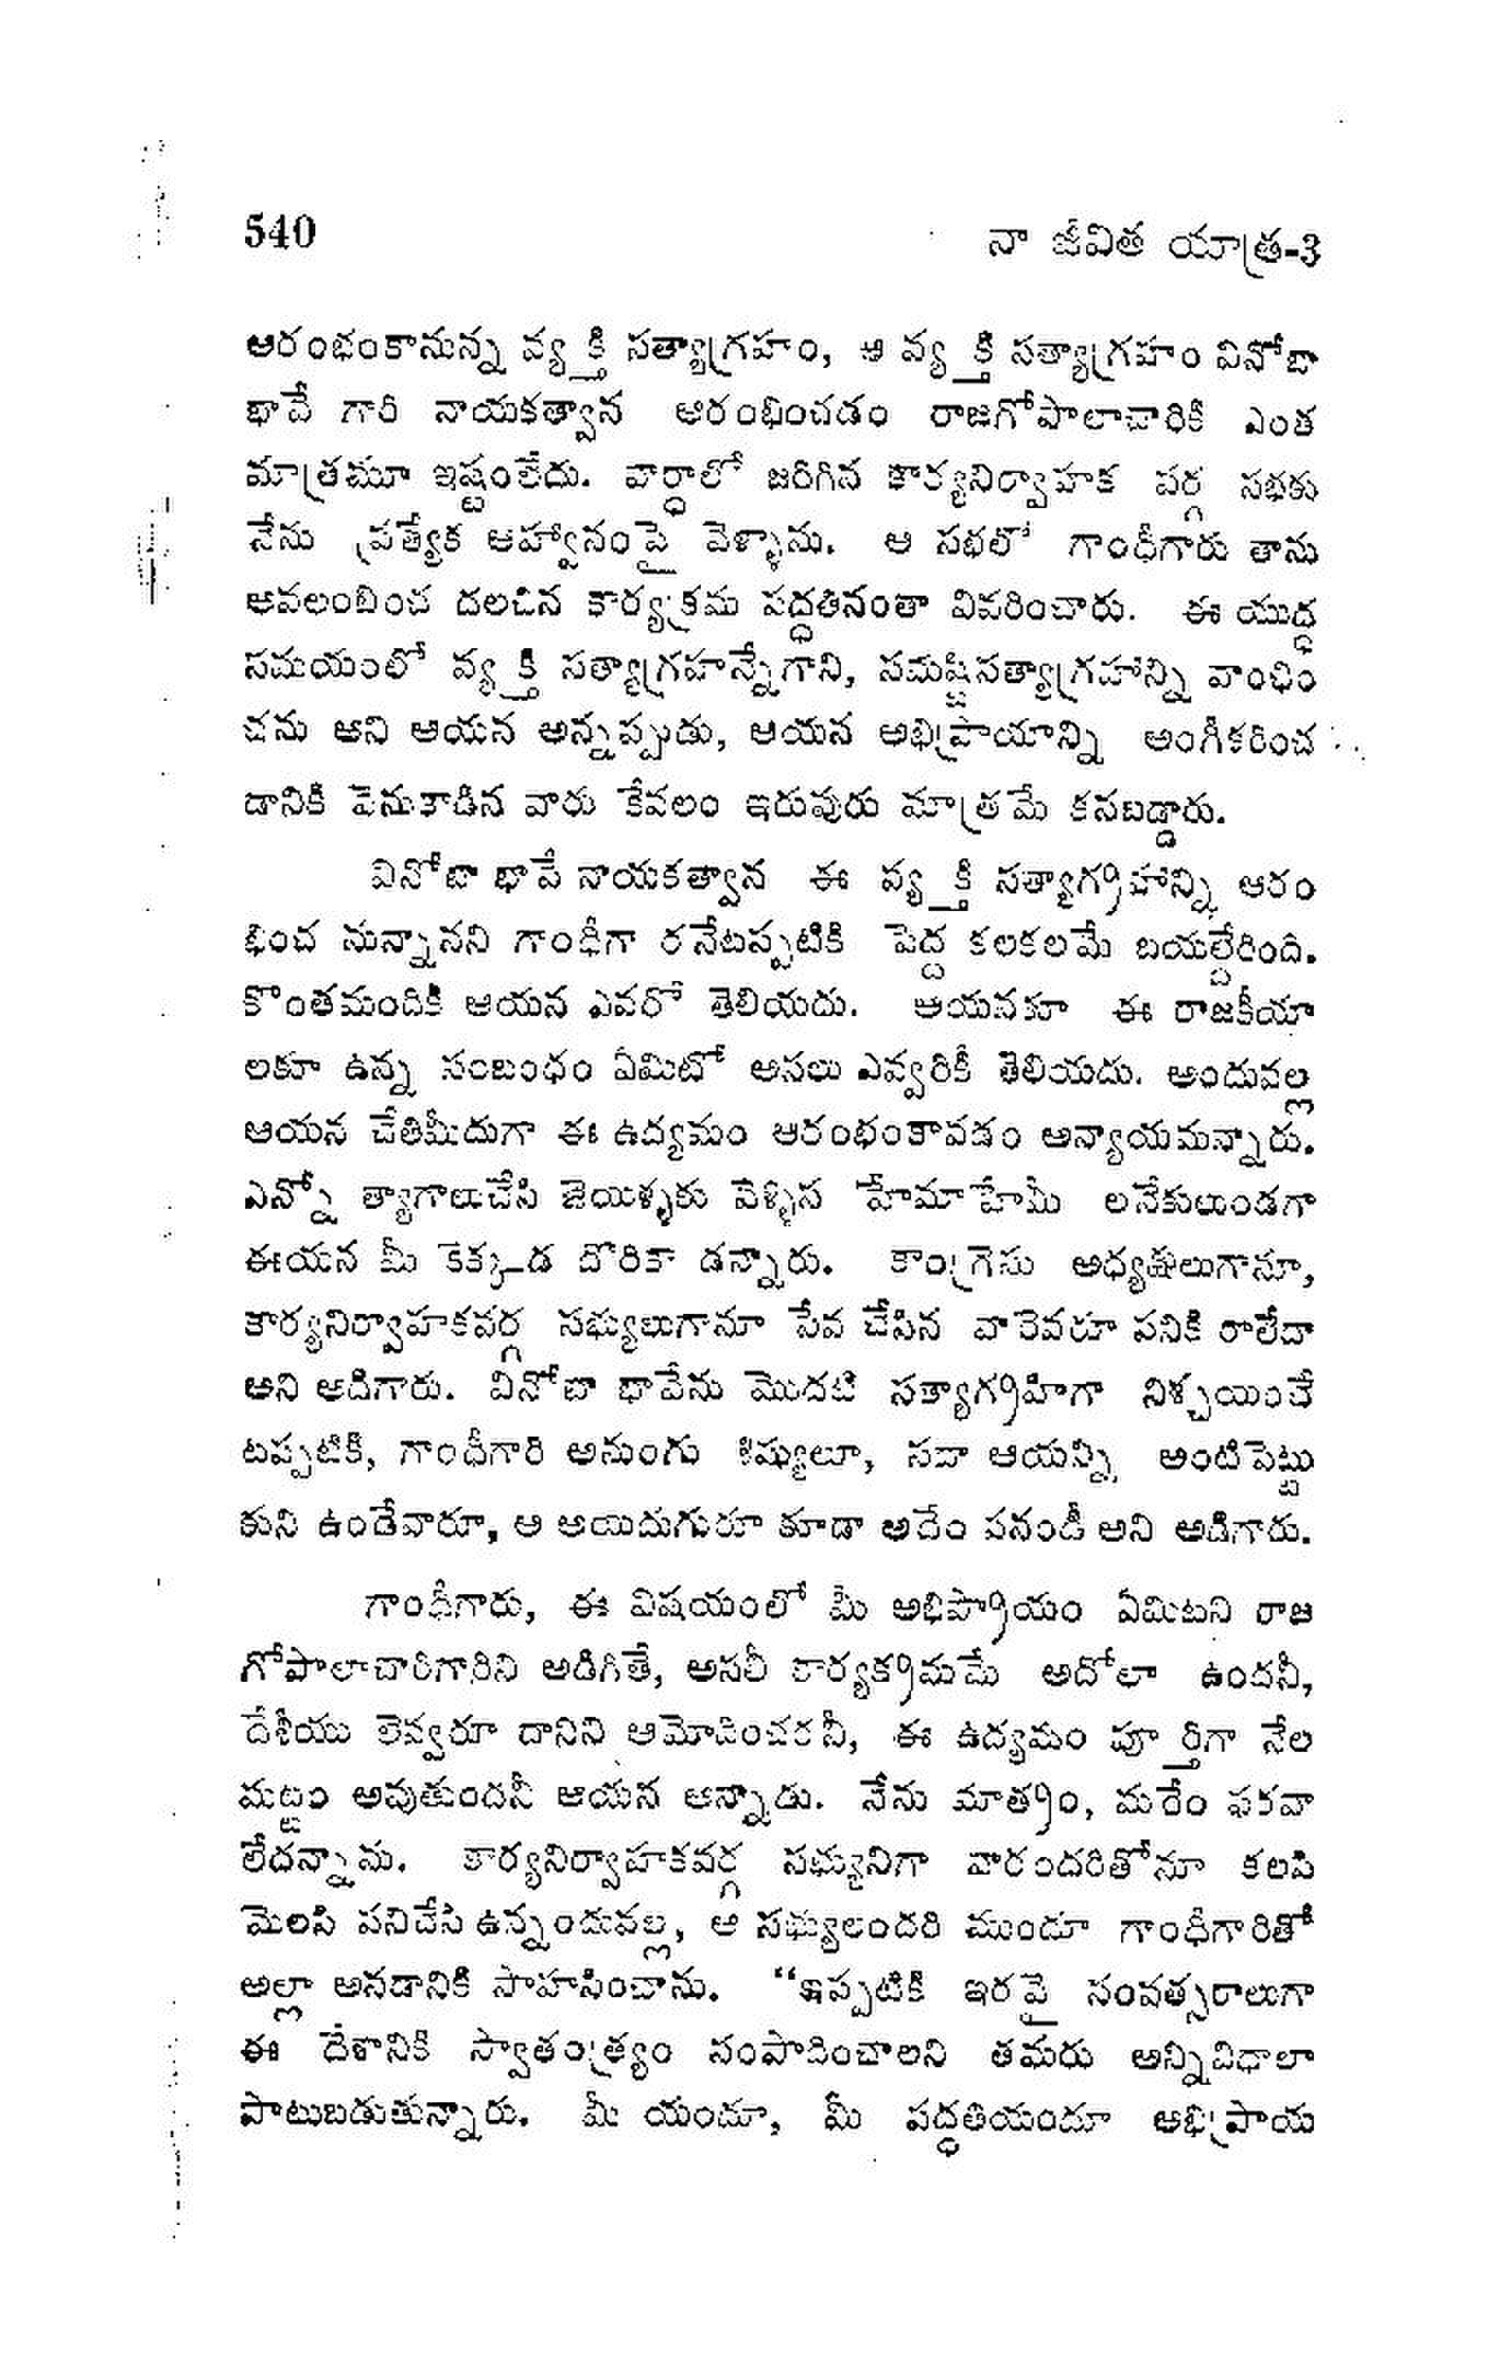ఆరంభం కానున్న వ్యక్తి సత్యాగ్రహం, ఆ వ్యక్తి సత్యాగ్రహం వినోబా భావే గారి నాయకత్వాన ఆరంభించడం రాజగోపాలాచారికి ఎంత మాత్రమూ ఇష్టంలేదు. వార్దాలో జరిగిన కార్య నిర్వాహక వర్గ సభకు నేను ప్రత్యేక ఆహ్వానంపై వెళ్ళాను. ఆ సభలో గాంధీగారు తాను అవలంభించ దలచిన కార్యక్రమ పద్ధతినంతా వివరించారు. ఈ యుద్ధ సమయంలో వ్యక్తి సత్యాగ్రహాన్నేగాని, సమష్టిసత్యాగ్రహాన్ని వాంఛించను అని ఆయన అన్నప్పుడు, ఆయన అభిప్రాయాన్ని అంగీకరించ డానికి వెనుకాడిన వారు కేవలం ఇరువురు మాత్రమే కనబడ్డారు.

వినోబా భావే నాయకత్వాన ఈ వ్యక్తి సత్యాగ్రహాన్ని ఆరంభించ నున్నానని గాంధీగా రనేటప్పటికి పెద్ద కలకలమే బయల్దేరింది. కొంతమందికి ఆయన ఎవరో తెలియదు. ఆయనకూ ఈ రాజకీయాలకూ ఉన్న సంబంధం ఏమిటో అసలు ఎవ్వరికీ తెలియదు. అందువల్ల ఆయన చేతిమీదుగా ఈ ఉద్యమం ఆరంభంకావడం అన్యాయమన్నారు. ఎన్నో త్యాగాలుచేసి జెయిళ్ళకు వెళ్ళిన హేమాహేమీ లనేకులుండగా ఈయన మీ కెక్కడ దొరికా డన్నారు. కాంగ్రెసు అధ్యక్షులుగానూ, కార్యనిర్వాహకవర్గ సభ్యులుగానూ సేవ చేసిన వారెవరూ పనికి రాలేదా అని అడిగారు. వినోబా భావేను మొదటి సత్యాగ్రహిగా నిశ్చయించే టప్పకి, గాంధీగారి అనుంగు శిష్యులూ, సదా ఆయన్ని అంటిపెట్టుకుని ఉండేవారూ, ఆ అయిదుగురూ కూడా అదేం పనండీ అని అడిగారు.

గాంధీగారు, ఈ విషయంలో మీ అభిప్రాయం ఏమిటని రాజగోపాలాచారి గారిని అడిగితే, అసలీ కార్యక్రమమే అదోలా ఉందనీ, దేశీయు లెవ్వరూ దానిని ఆమోదించరనీ, ఈ ఉద్యమం పూర్తిగా నేలమట్టం అవుతుందనీ ఆయన అన్నాడు. నేను మాత్రం, మరేం పరవాలేదన్నాను. కార్య నిర్వాహకవర్గ సభ్యునిగా వారందరితోనూ కలసి మెలసి పనిచేసి ఉన్నందువల్ల, ఆ సభ్యులందరి ముందూ గాంధీగారితో అల్లా అనడానికి సాహసించాను. "ఇప్పటికి ఇరవై సంవత్సరాలుగా ఈ దేశానికి స్వాతంత్ర్యం సంపాదించాలని తమరు అన్నివిధాలా పాటుబడుతున్నారు. మీ యందూ, మీ పద్ధతియందూ అభిప్రాయ